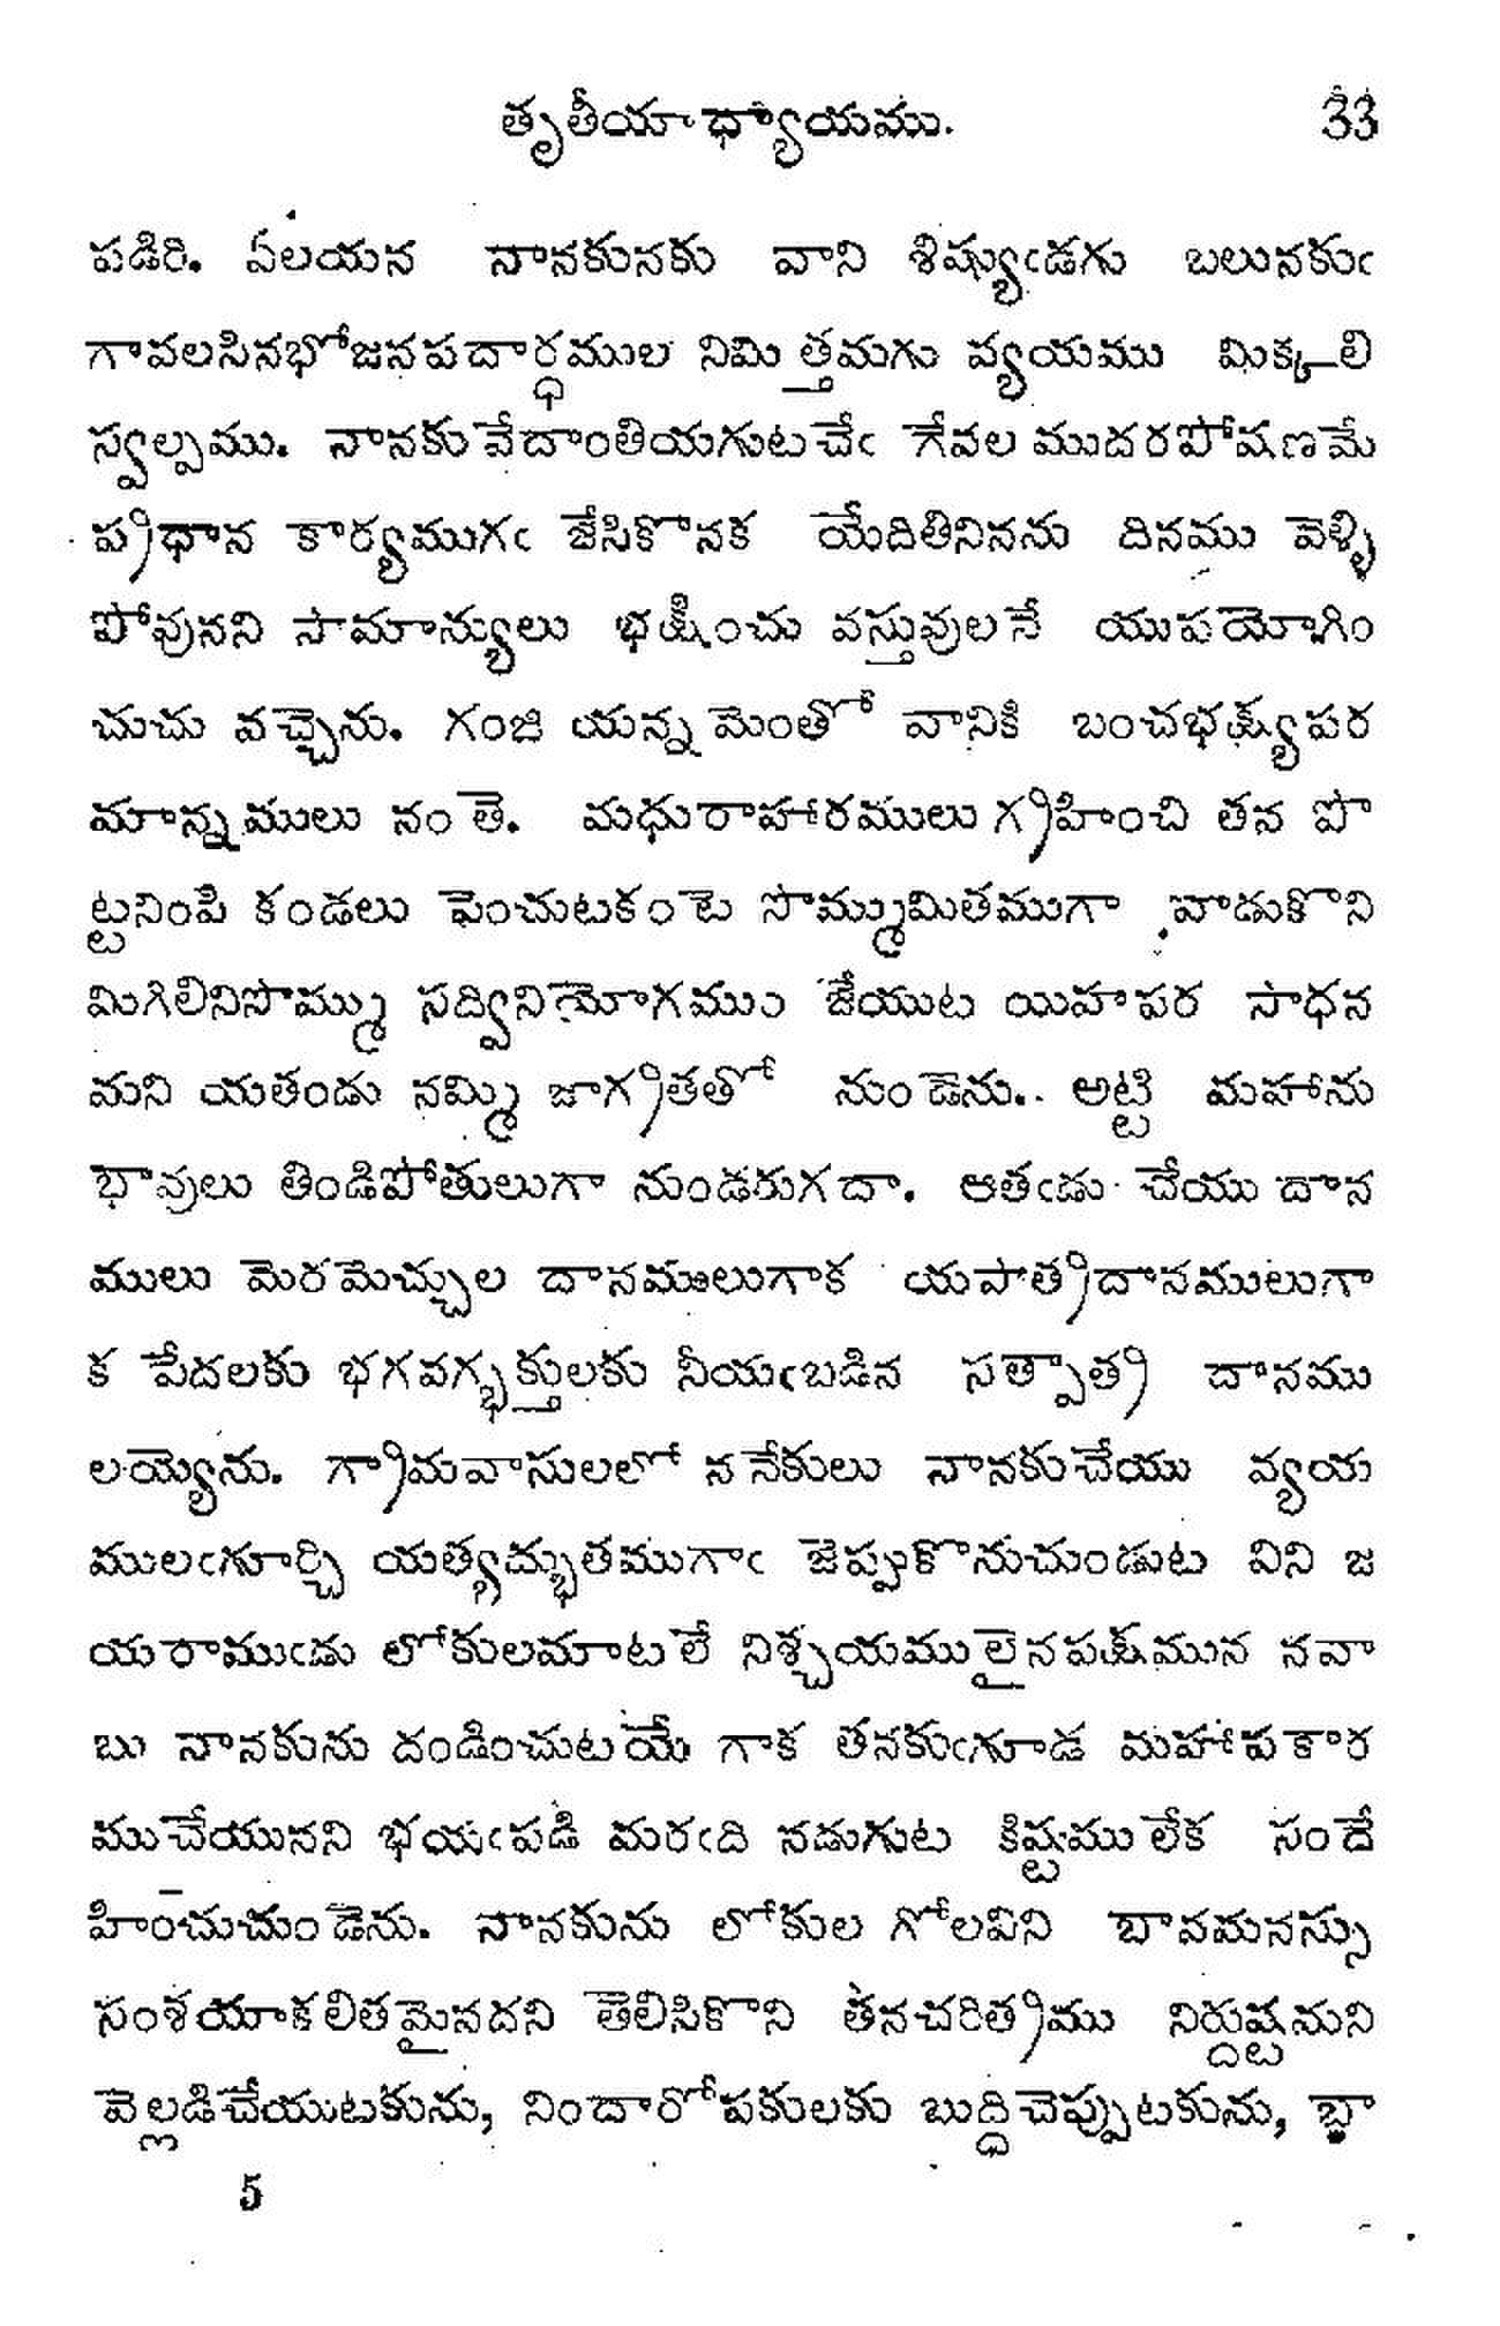పడిరి. ఏలయన నానకునకు వాని శిష్యుడగు బలునకు గావలసినభోజనపదార్ధముల నిమిత్తమగు వ్యయము మిక్కిలి స్వల్పము. నానకువేదాంతియగుటచే గేవల ముదరపోషణమే ప్రధాన కార్యముగ జేసికొనక యేదితినినను దినము వెళ్ళిపోవునని సామాన్యులు భక్షించు వస్తువులనే యుపయోగించుచు వచ్చెను. గంజి యన్నమెంతో వానికి బంచభక్ష్యపర మాన్నములు నంతె. మధురాహారములు గ్రహించి తన పొట్టనింపి కండలు పెంచుటకంటె సొమ్ముమితముగా వాడుకొని మిగిలినసొమ్ము సద్వినియోగముం జేయుట యిహపర సాధనమని యతండు నమ్మి జాగ్రతతో నుండెను. అట్టి మహానుభావులు తిండిపోతులుగా నుండరుగదా. అతడు చేయు దానములు మెరమెచ్చుల దానములుగాక యపాత్రదానములుగాక పేదలకు భగవగ్భక్తులకు నీయబడిన సత్పాత్ర దానము లయ్యెను. గ్రామవాసులలో ననేకులు నానకుచేయు వ్యయములగూర్చి యత్యద్భుతముగా జెప్పుకొనుచుండుట విని జయరాముడు లోకులమాటలే నిశ్చయములైనపక్షమున నవాబు నానకును దండించుటయే గాక తనకుగూడ మహాపకారముచేయునని భయపడి మరది నడుగుట కిష్టములేక సందేహించుచుండెను. నానకును లోకుల గోలవిని బావమనస్సు సంశయాకలితమైనదని తెలిసికొని తనచరిత్రము నిర్దుష్టమని వెల్లడిచేయుటకును, నిందారోపకులకు బుద్దిచెప్పుటకును, బా